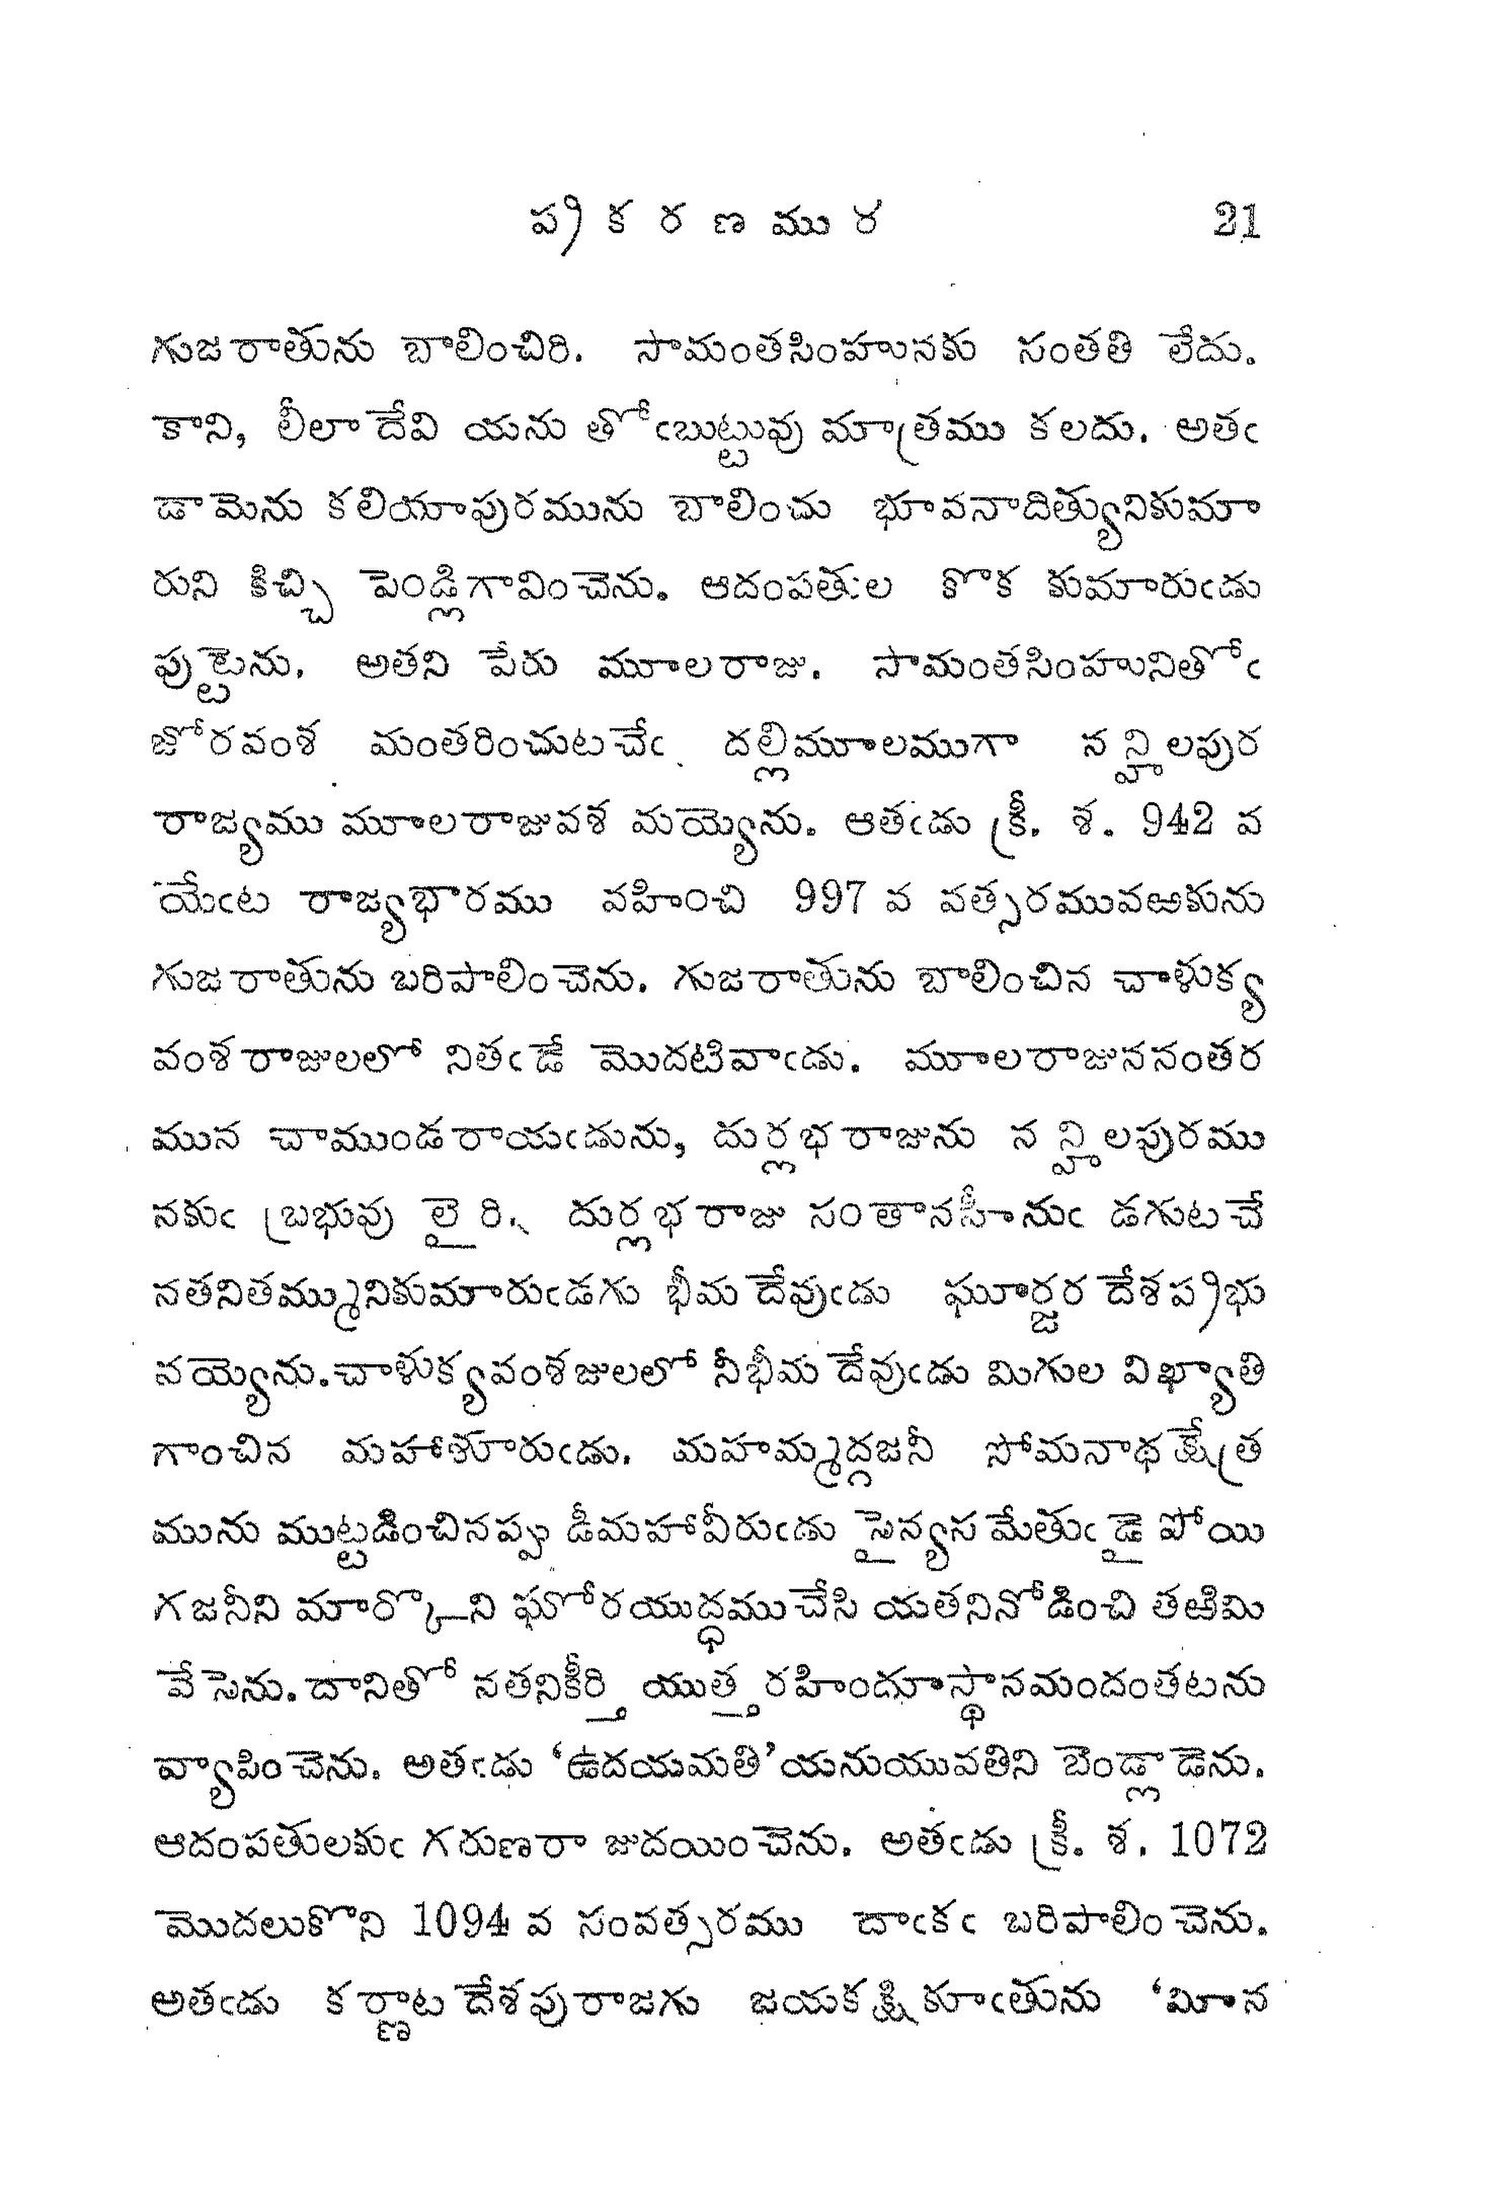గుజరాతును బాలించిరి. సామంతసింహునకు సంతతి లేదు. కాని, లీలా దేవి యను తోబుట్టువు మాత్రము కలదు. అతఁ డామెను కలియాపురమును బాలించు భూవనాదిత్యునికునూ రుని కిచ్చి పెండ్లి గావిం చెను. ఆదంపతుల కొక కుమారుఁడు పుట్టెను. అతని పేరు మూల రాజు. సామంత సింహునితోఁ జోరవంశ మంతరించుటచేఁ, దల్లి మూలముగా నవ్లపుర రాజ్యము మూలరాజువశ మయ్యెను. ఆతఁడు క్రీ. శ. 942 వ యేఁట రాజ్యభారము సహించి 997 వ వత్సరమువజుకును గుజ రాతును బరిపాలించెను. గుజరాతును బాలించిన చాళుక్య వంశ రాజులలో నితఁడే మొదటివాఁడు. మూల రాజుననంతర మున చాముండ రాయఁడును, దుర్లభ రాజును నంహిలపురము నకుఁ బ్రభువు లై రి, దుర్లభ రాజు సంతాన హీనుఁ డగుట చే నతని తమ్మునికుమారుఁడగు భీమ దేవుఁడు ఘూర్జర దేశ ప్రభు నయ్యెను. చాళుక్యవంశజులలో నీ భీమ దేవుఁడు మిగుల విఖ్యాతి గాంచిన మహాశూరుఁడు. మహమ్మదజనీ సోమనాథ క్షేత్ర మును ముట్టడించినప్పు డీమహావీరుఁడు సైన్యసమేతుఁ డై పోయి గజనీని మార్కొని ఘోర యుద్ధము చేసి యతని నోడించి తఱిమి వేసెను. దానితో నతనికిరి యుతర హిందూస్థానమందంతటను వ్యాపించెను. అతఁడు 'ఉదయమతి' యనుయువతిని బెండ్లా డెను. ఆదంపతులకుఁ గరుణ రా జుదయించెను. అతఁడు క్రీ. శ. 1072 మొదలుకొని 1094 వ సంవత్సరము దాఁకఁ బరిపాలిం చెను. అతఁడు కర్ణాట దేశపు రాజగు జయకక్షి కూఁతును 'మీన